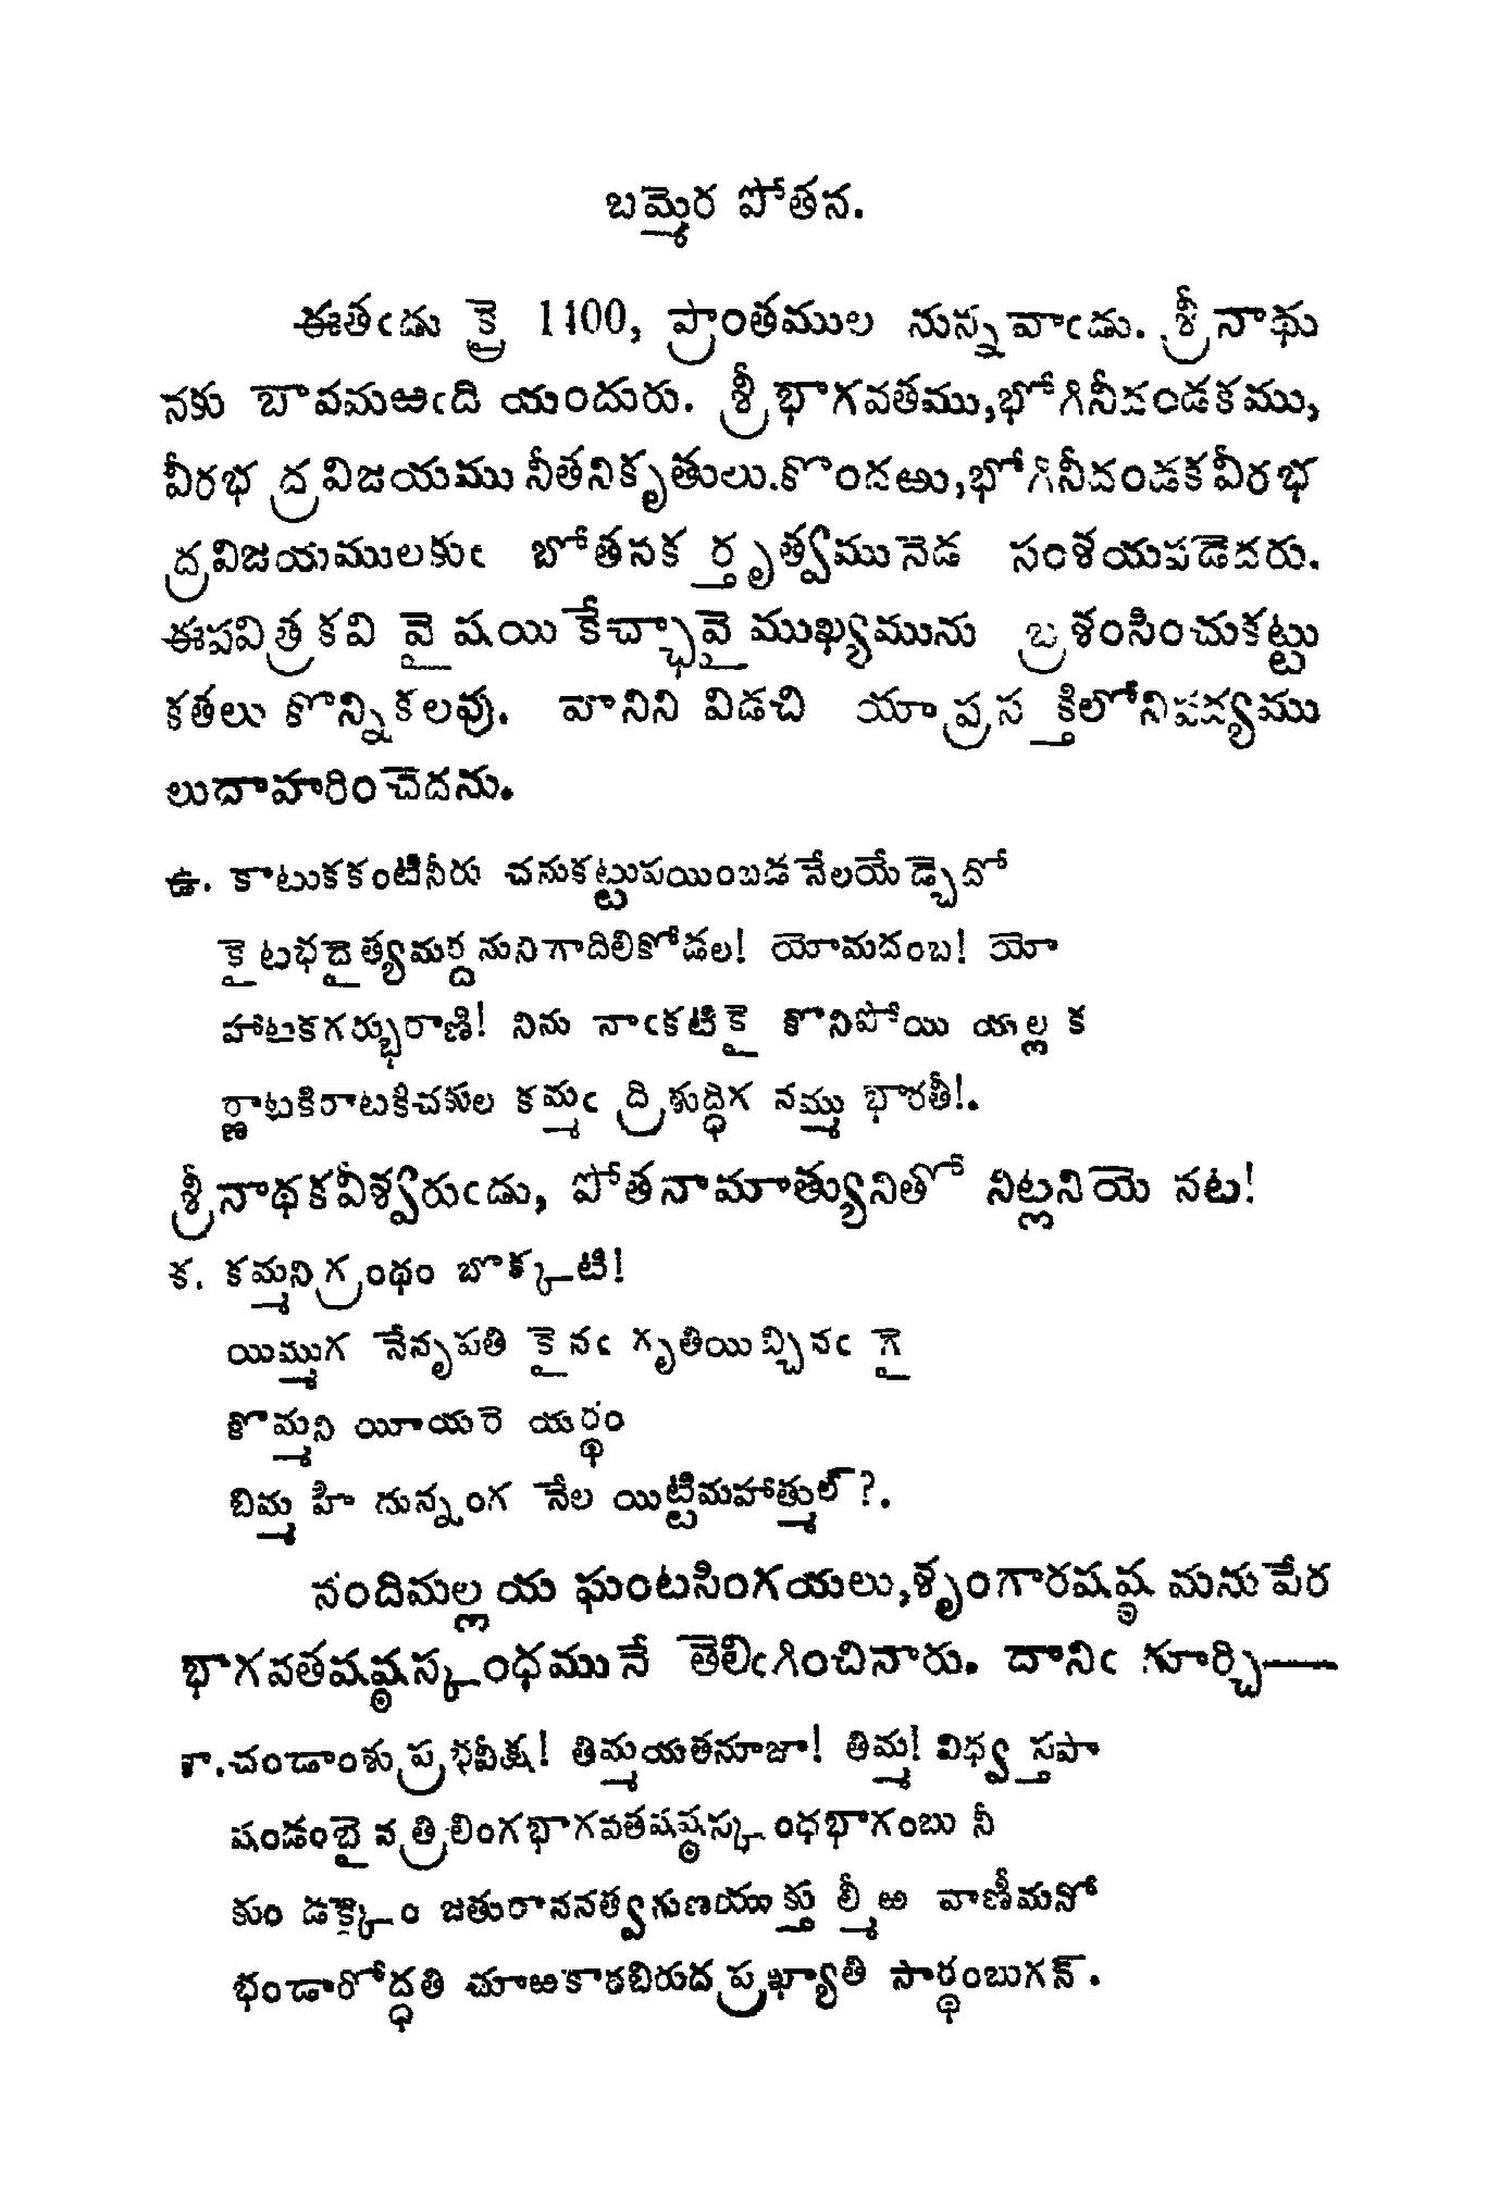ఈతఁడు క్రై.1400ప్రాంతముల నున్నవాఁడు. శ్రీనాథునకు బావమఱఁది యందురు. శ్రీభాగవతము, భోగినీదండకము, వీరభద్రవిజయము నీతనికృతులు. కొందఱు భోగినీదండకవీరభద్రవిజయములకుఁ బోతనకర్తృత్వమునెడ సంశయపడెదరు. ఈపవిత్రకవి వైషయికేచ్ఛావైముఖ్యమును బ్రశంసించు కట్టుకతలు కొన్నికలవు. వానిని విడిచి యాప్రసక్తిలోనిపద్యము లుదాహరించెదను.
ఉ. కాటుకకంటినీరు చనుకట్టుపయిం బడ నేల యేడ్చెదో
 కైటభదైత్యమర్దనునిగాదిలికోడల! యోమదంబ! యో
 హాటకగర్భురాణి! నిను నాఁకటికై కొనిపోయి యల్ల క
 ర్ణాటకిరాటకీచకుల కమ్మఁ ద్రిశుద్ధిగ నమ్ము భారతీ!
శ్రీనాథకవీశ్వరుఁడు పోతనామాత్యునితో నిట్లనియె నఁట!
క. కమ్మనిగ్రంథం బొక్కటి!
 యిమ్ముగ నేనృపతికైనఁ గృతి యిచ్చినఁ గై
 కొమ్మని యీయరె యర్థం?
 బిమ్మహి దున్నంగ నేల యిట్టిమహాత్ముల్?
నందిమల్లయ ఘంటసింగయలు శృంగారషష్ఠ మనుపేర భాగవతషష్ఠస్కందమునే తెలిఁగించినారు. దానిఁ గూర్చి—
శా. చండాంశుప్రభవీక్ష! తిమ్మయతనూజా! తిమ్మ! విధ్వస్తపా
 షండంబైన త్రిలింగభాగవతషష్ఠస్కంధభాగంబు నీ
 కుం డక్కెం జతురాననత్వగుణయుక్తు ల్మీఱ వాణీమనో
 భండారోద్ధతి చూఱకారబిరుదప్రఖ్యాతి సార్థంబుగన్.